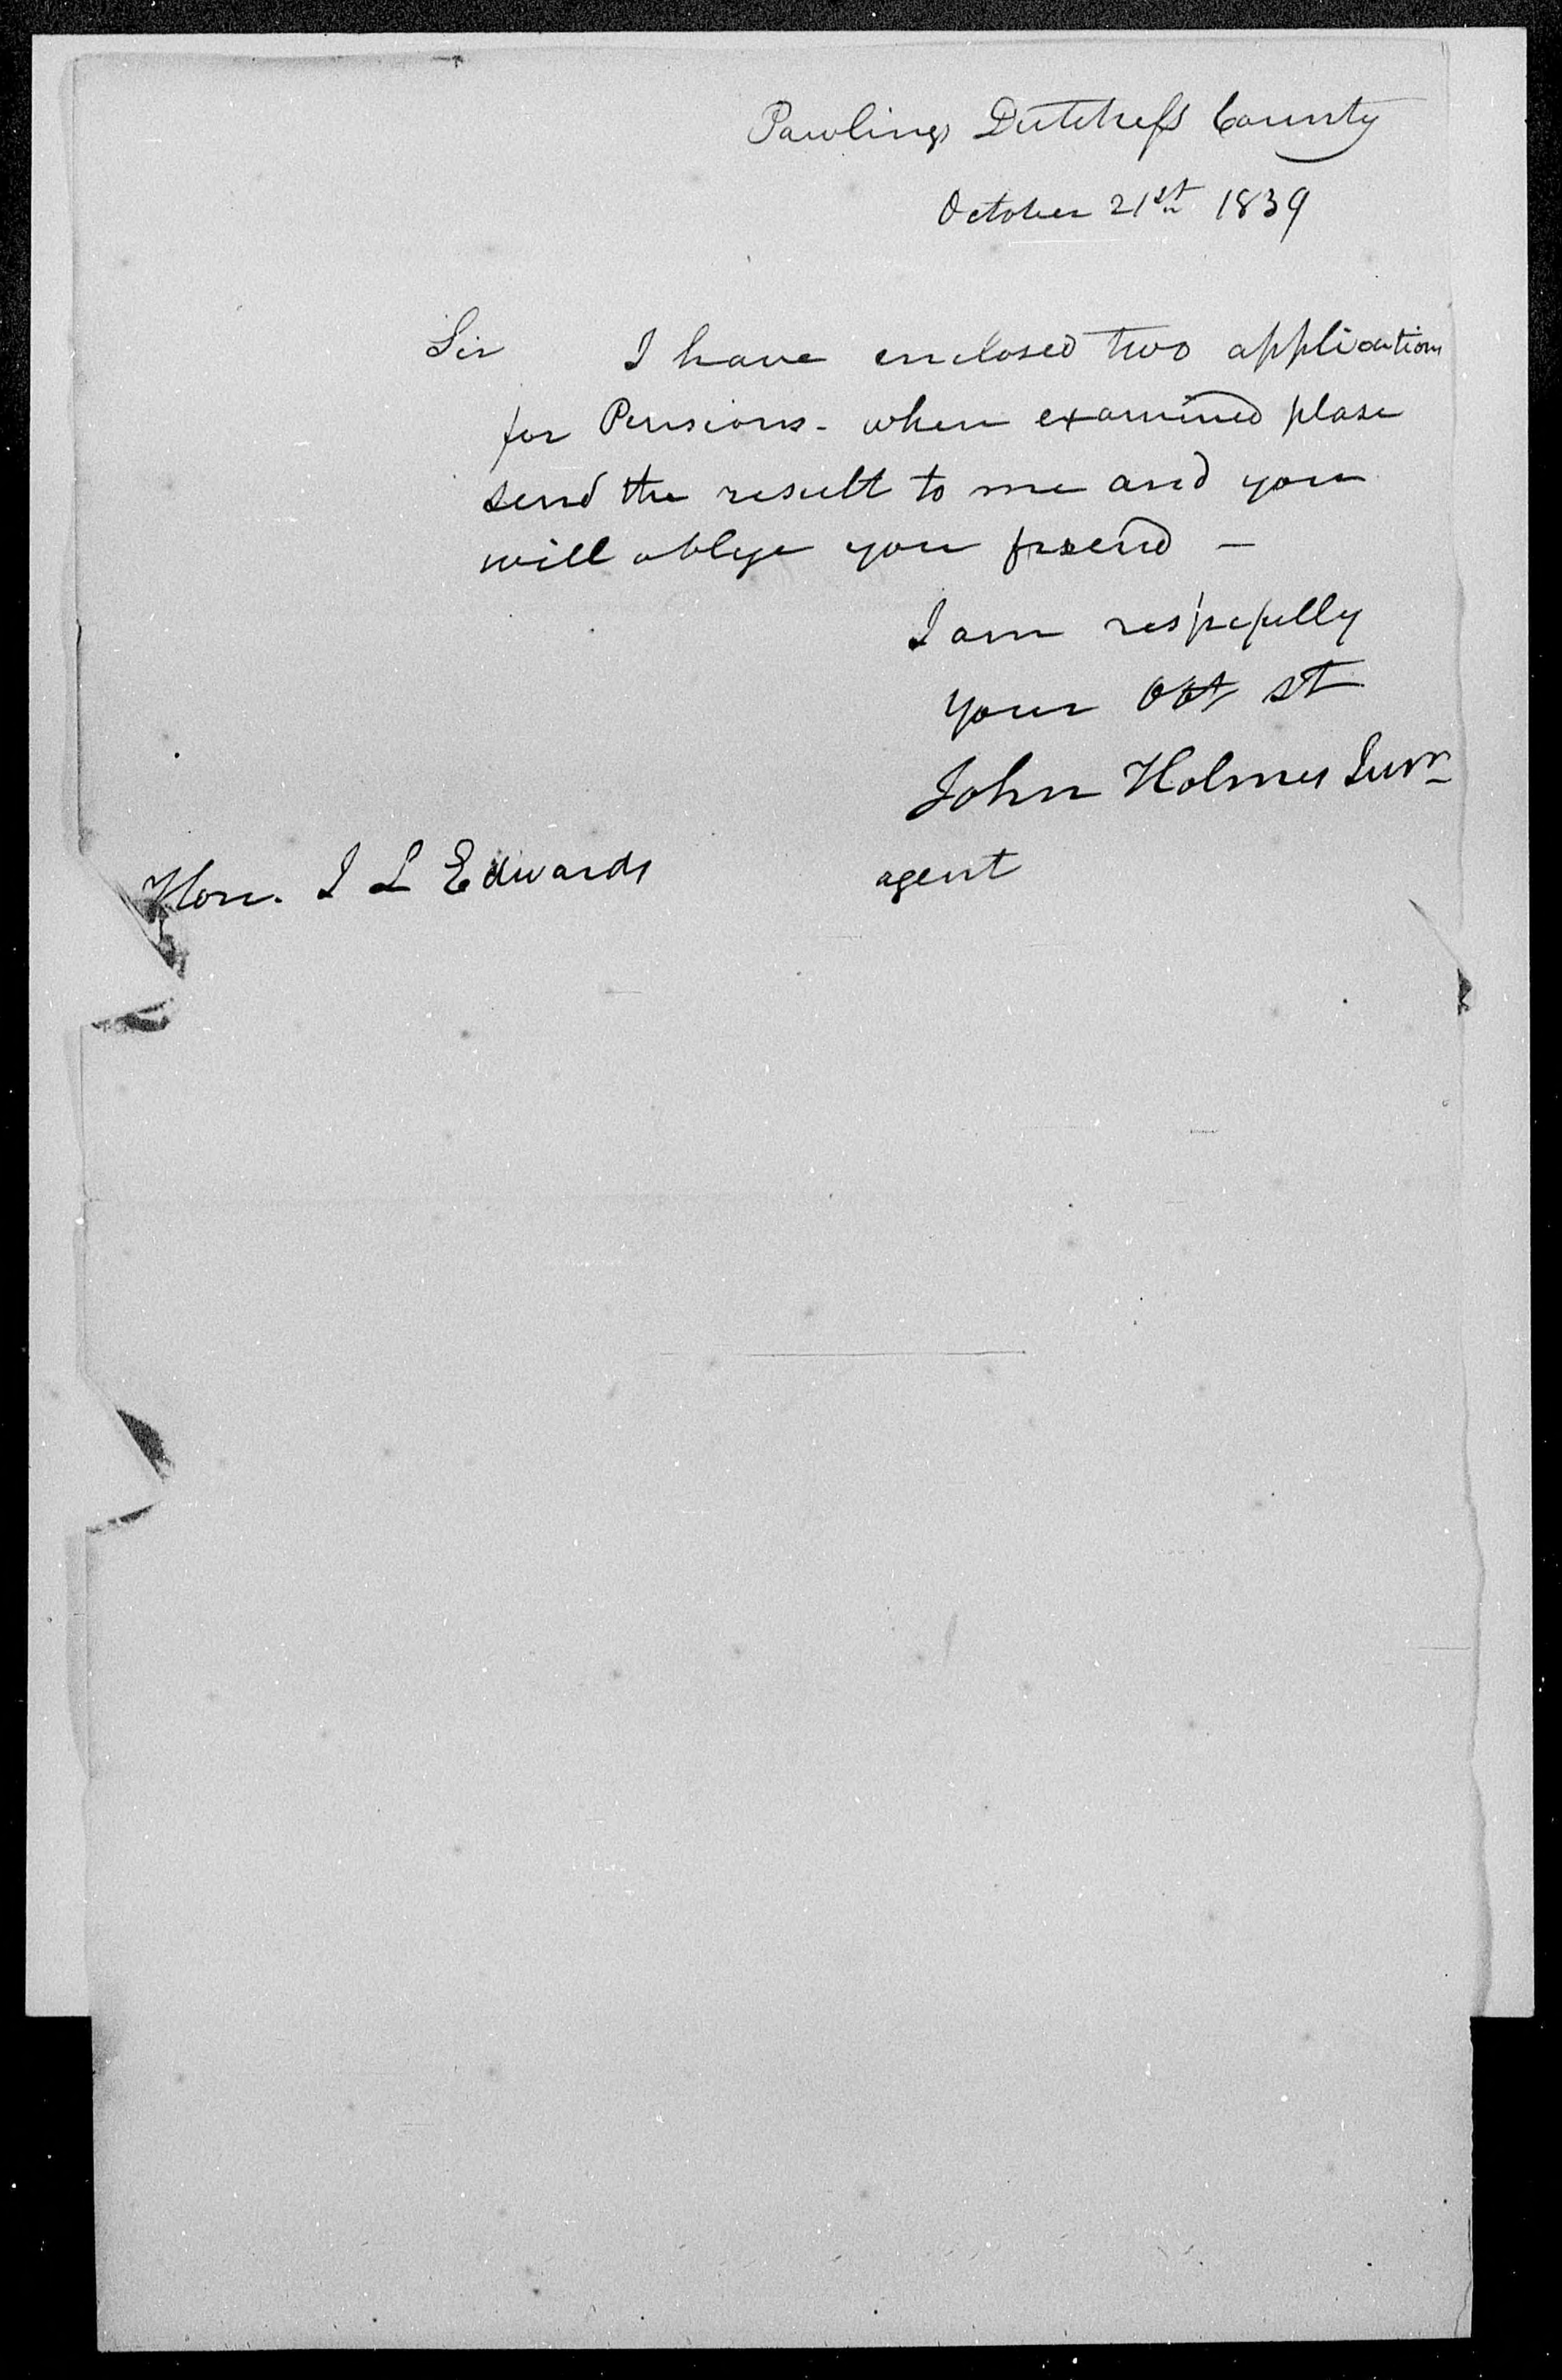Pawling Dutchess County
October 21st 1839

Sir
I have enclosed two applications for Pensions.  when examined plase send the result to me and you will oblige your friend-
I am respcfully
Your Obt St
John Holmes Junr
agent

Hon. J L Edwards

Copyists note:  copied as per original document with errors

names: J L Edwards, John Holmes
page: 13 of 29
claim: widow's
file: W. 17720, Arnold Dickens, New York